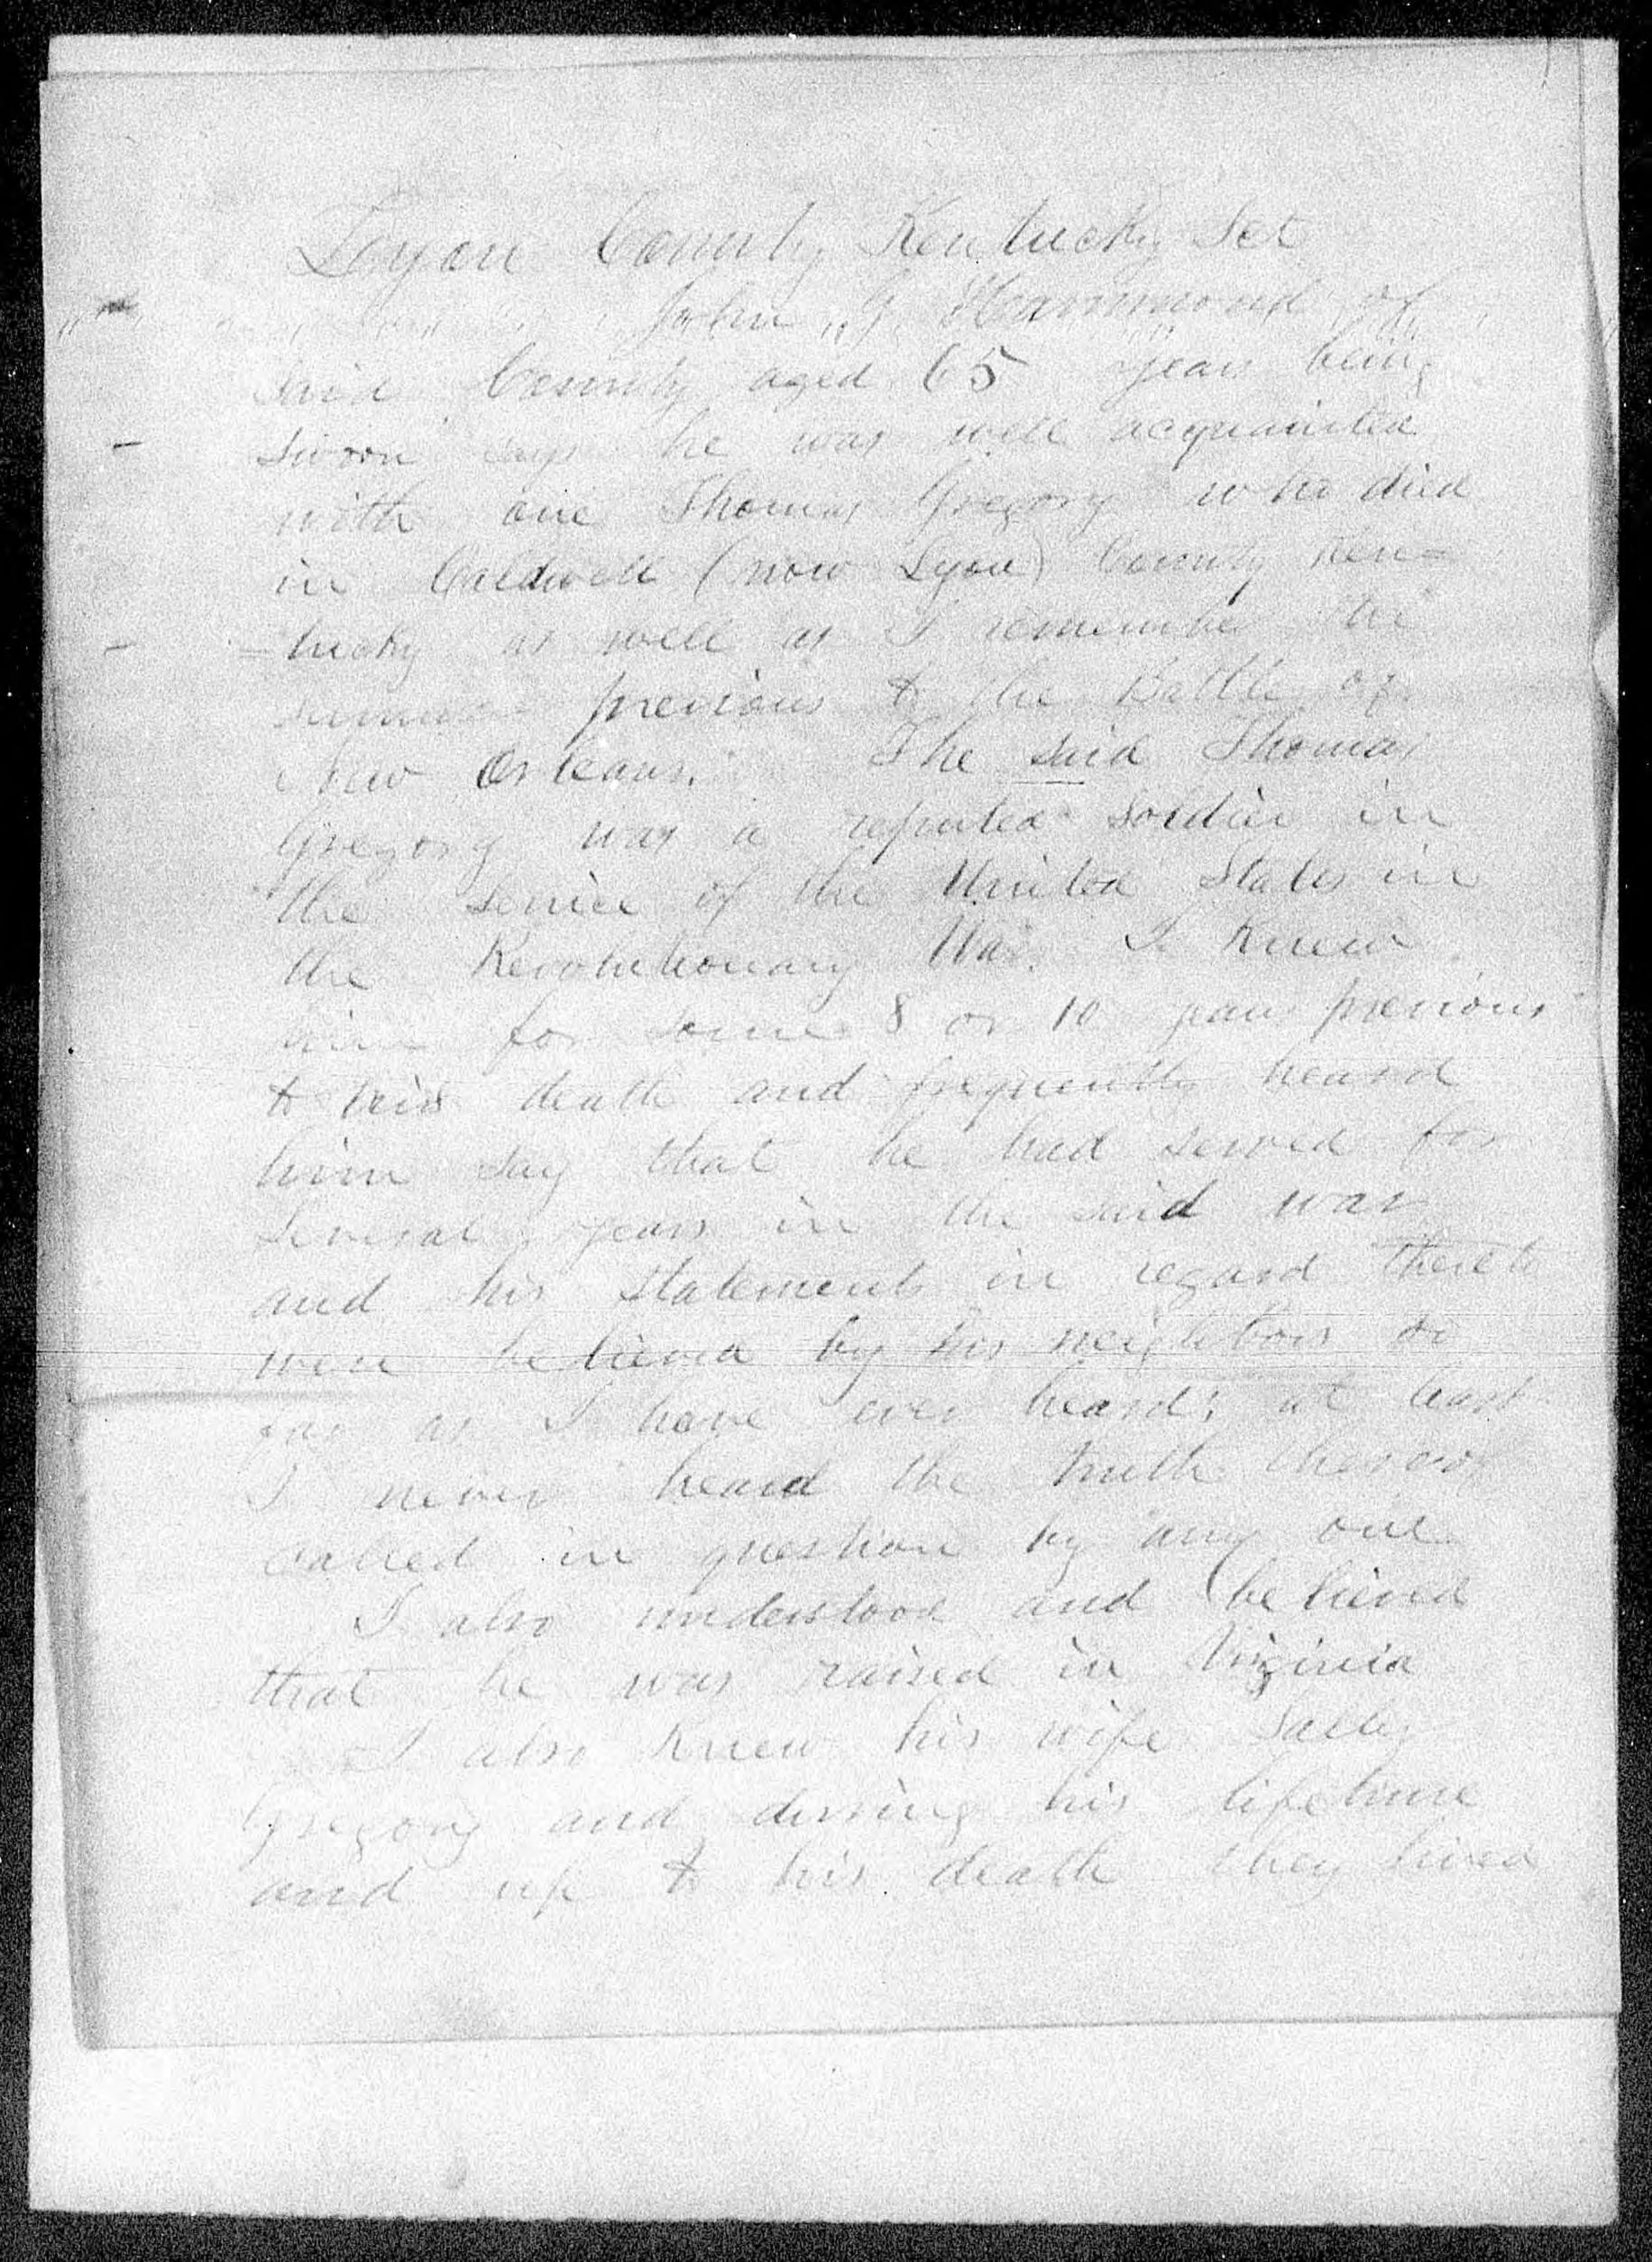Lyon County Kentucky Sct
John G Hammond of said County aged 65 years being sworn says he was well acquainted with one Thomas Gregory who died in Caldwell (now Lyon) County Kentucky as well as I remember the summer previous to the battle of New Orleans.  The said Thomas Gregory was a reputed Soldier in the Service of the United States in the Revolutionary War.  I knew him for some 8 or 10 years previous to his death and frequently heard him say that he had served for Several years in the said war and his statement in regard thereto were believed by his neighbors as far as I have ever heard; at least I never heard the truth thereof called in question by any one.
I also understood and believed that he was raised in Virginia.
I also knew his wife Sally Gregory and during his lifetime and up to his death they lived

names: Thomas Gregory, Sally Gregory, Thomas Gregory, John G Hammond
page: 65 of 75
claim: widow's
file: W. 8876, Thomas Gregory, Continental Va